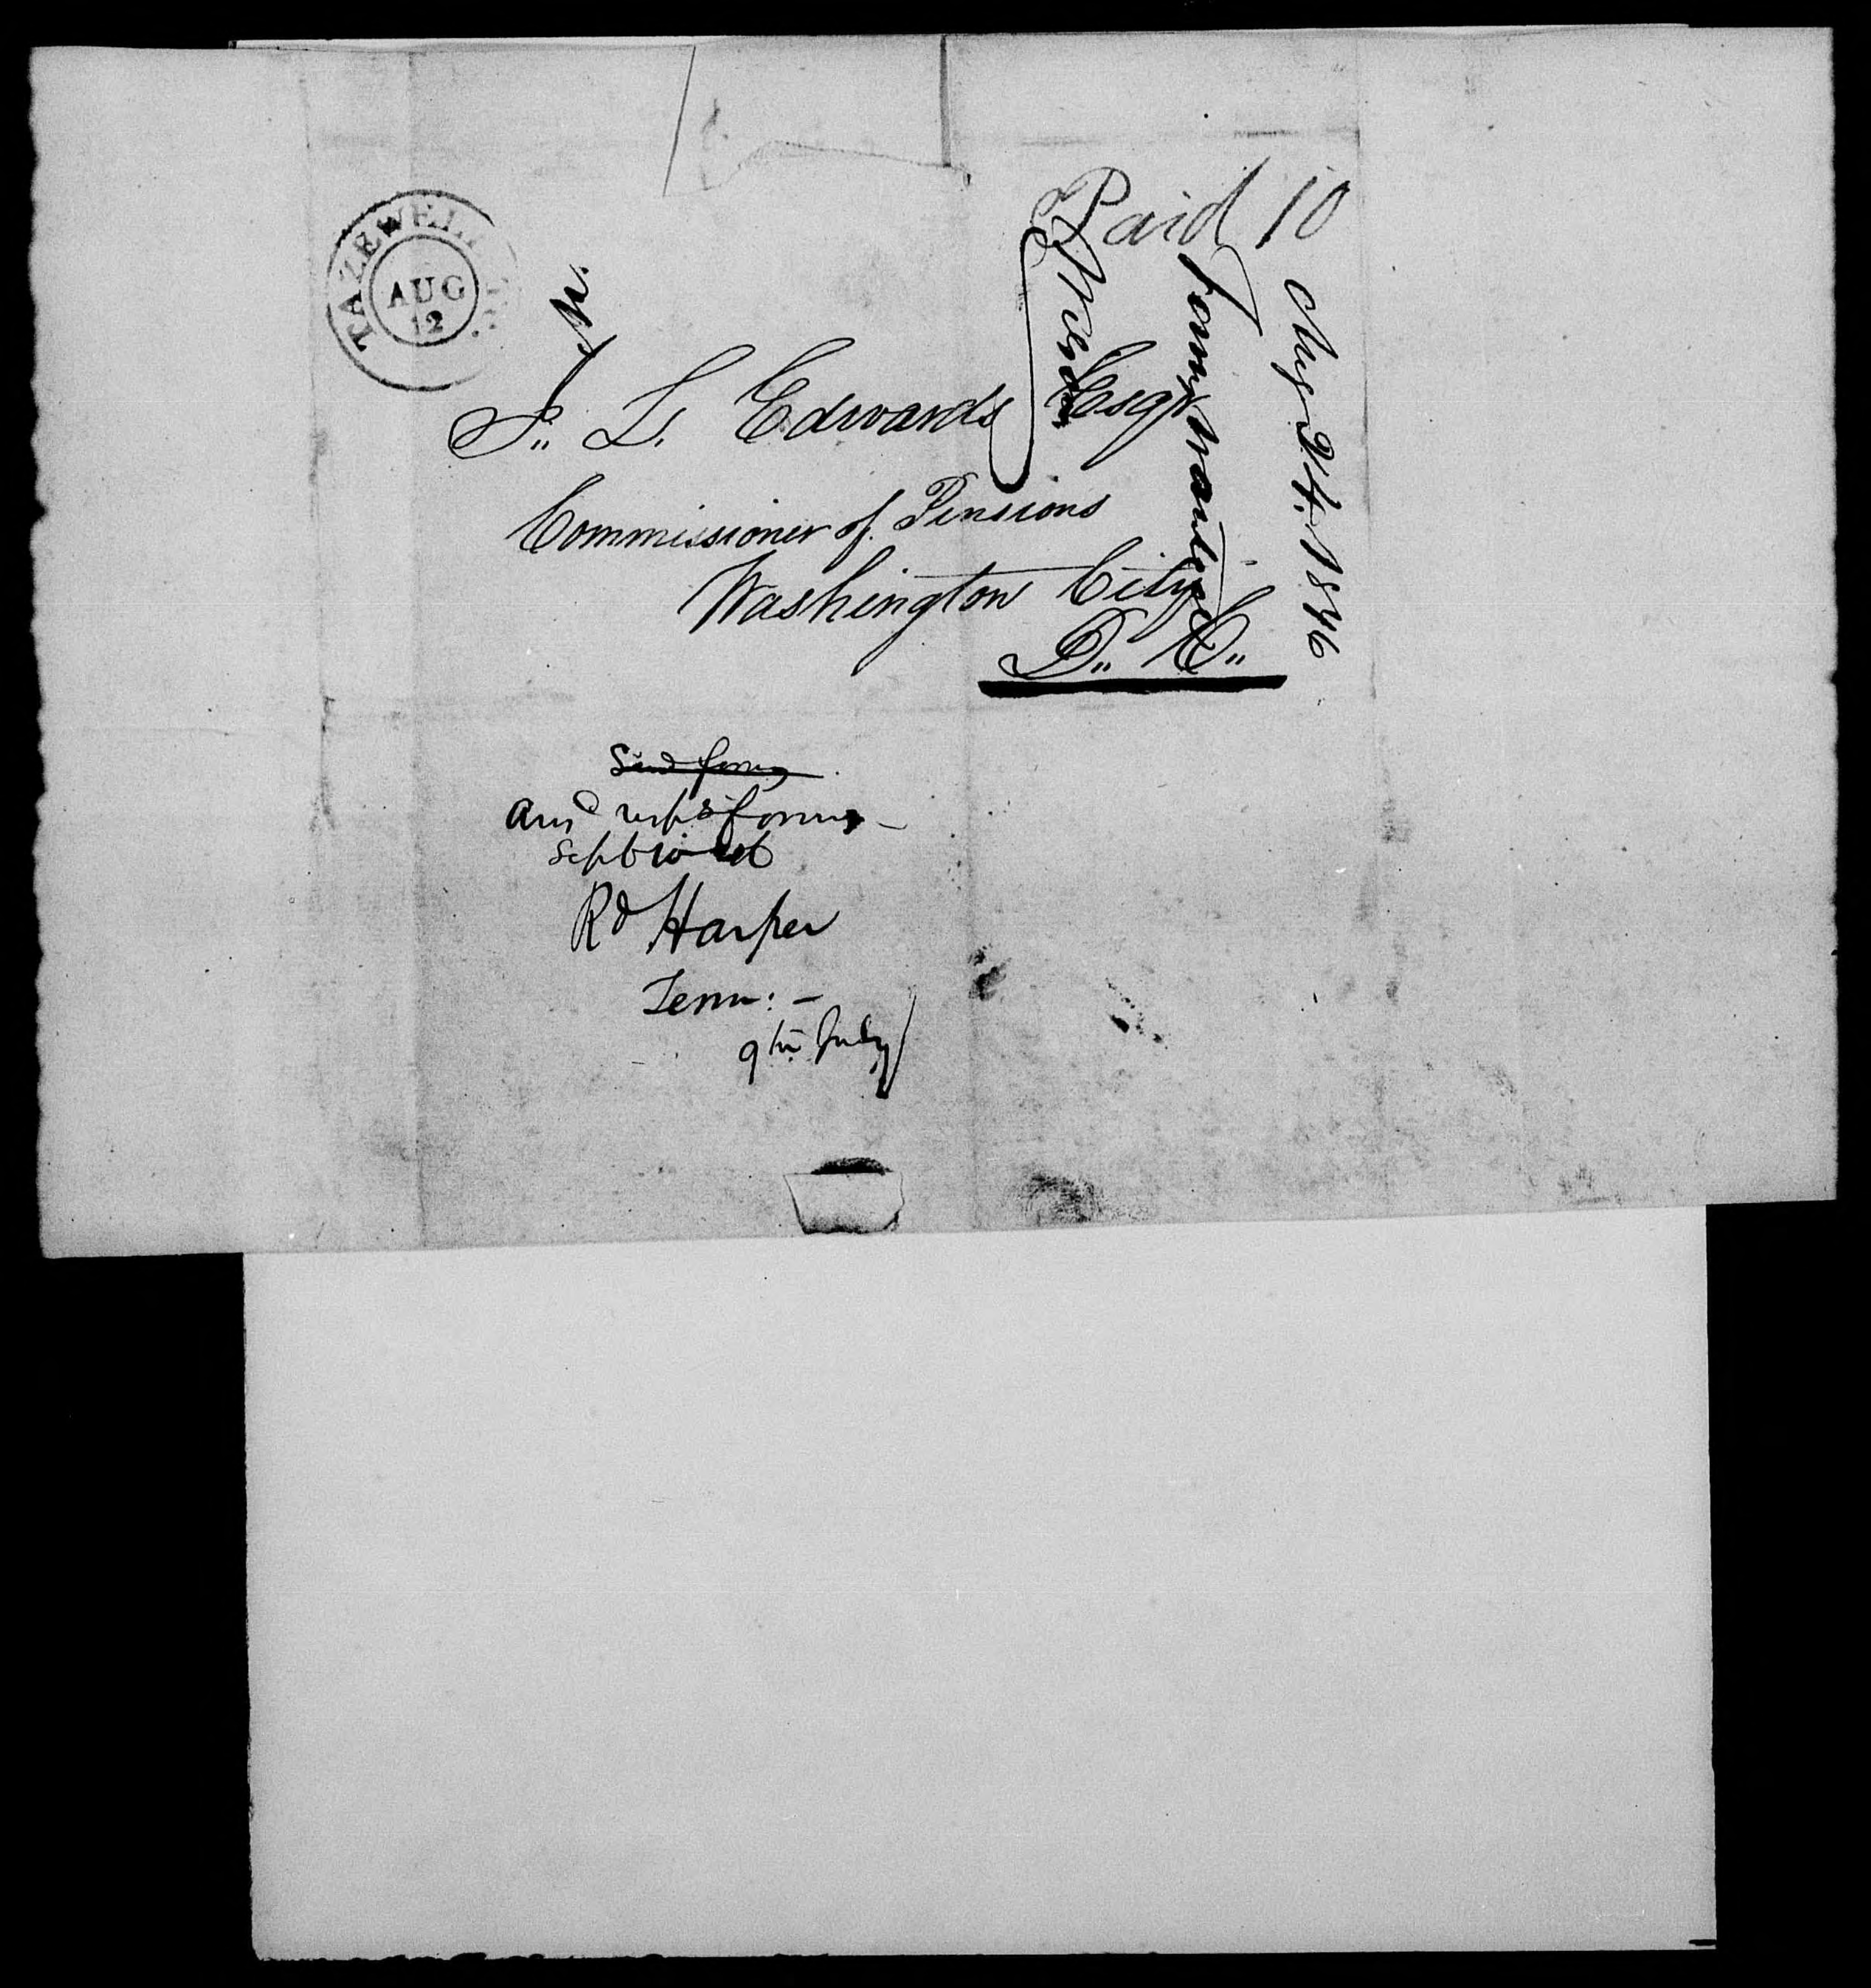Tazewell Aug 12
Paid 10

J L Edwards Esqr
Commissioner of Pensions
Washington City
D C

[illegible]
Rd harper
Tenn:-
9th July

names: Rd Harper, Wilson, J L Edwards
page: 49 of 81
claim: survivor's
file: S. 1908, Richard Harper, N.C.